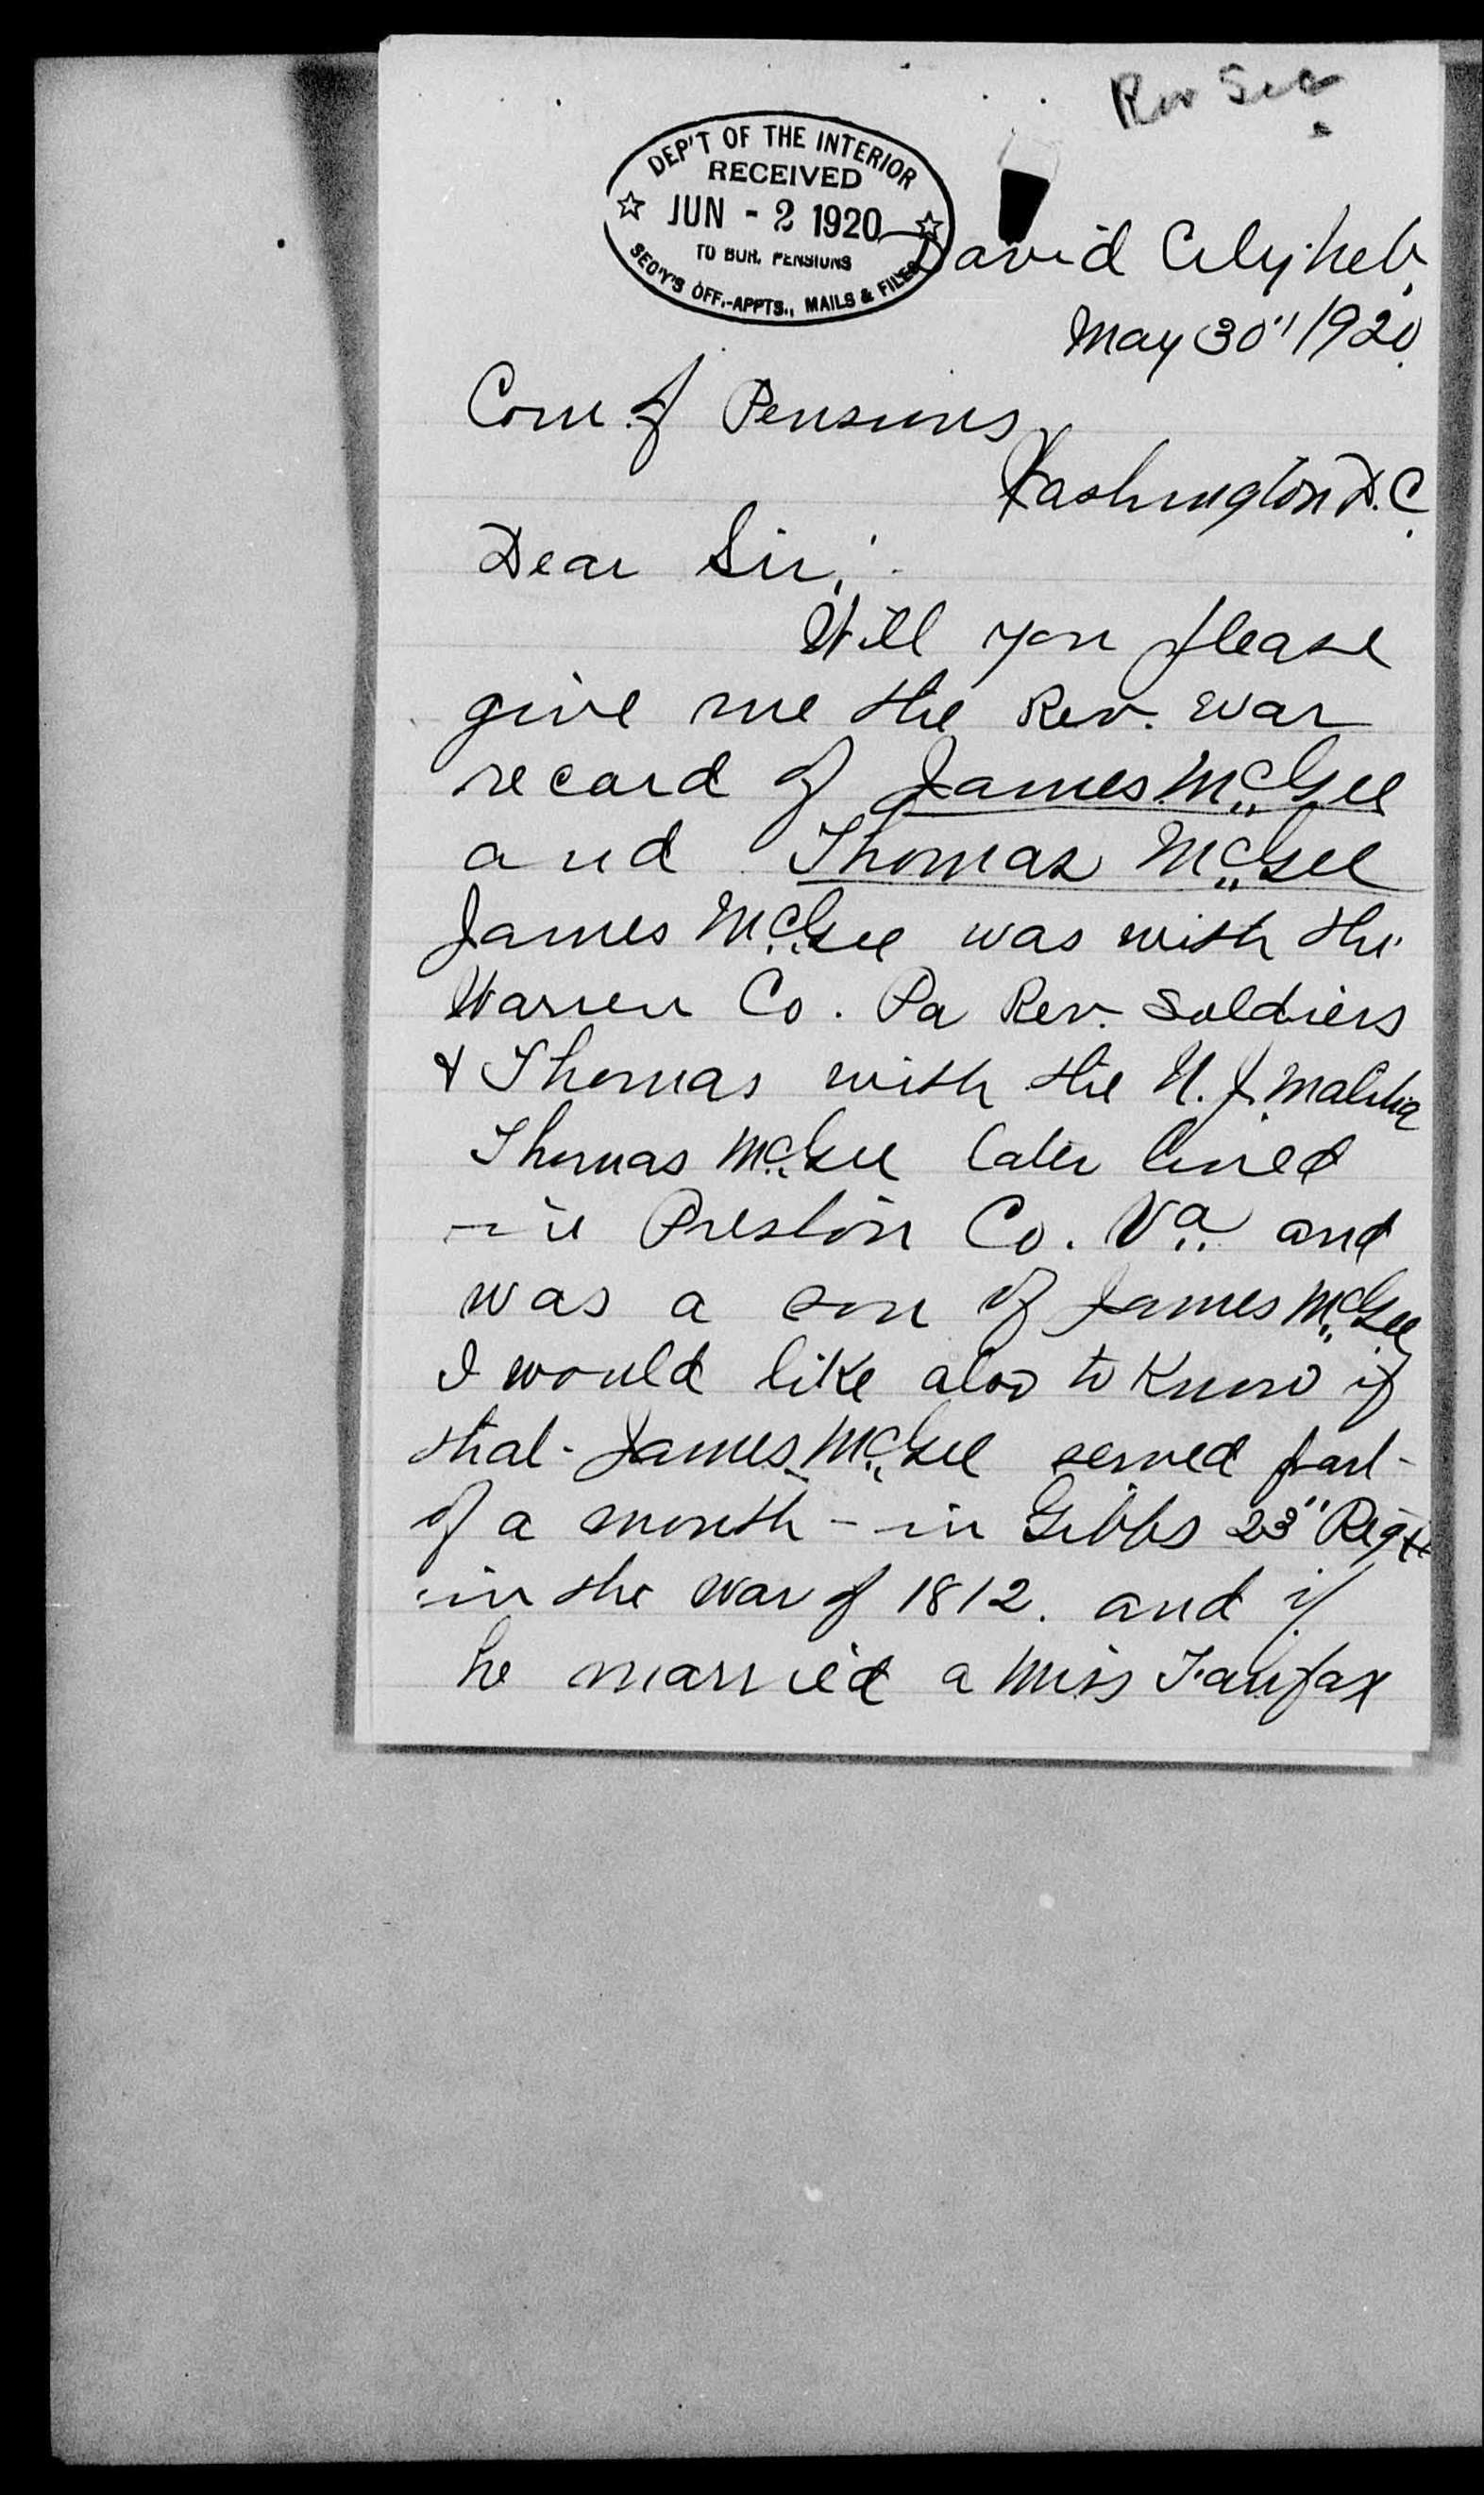Rev Sec

(stamp)
DEP'T OF THE INTERIOR
RECEIVED
JUNE 2 - 1920
TO BUR. PENSIONS
SEC'Y'S OFF. - APPTS, MAILS & FILES

David City Neb
May 30" 1920

Com of Pensions
Washington D.C.


Dear Sir,

Will you please give me the Rev. War record of James McGee and Thomas McGee.  James  McGee was with the  Warren Co. Pa Rev soldiers & Thomas McGee later lived  in Preston Co.  Va and was a son of James McGee.  I would like also to know if that James McGee served part of a month in Gibbs 23" Regt in the war of 1812 and if he married a Miss Tanfax(?)

(continued)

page: 68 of 77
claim: widow's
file: W 2954, for James Mc Gee, Delaware